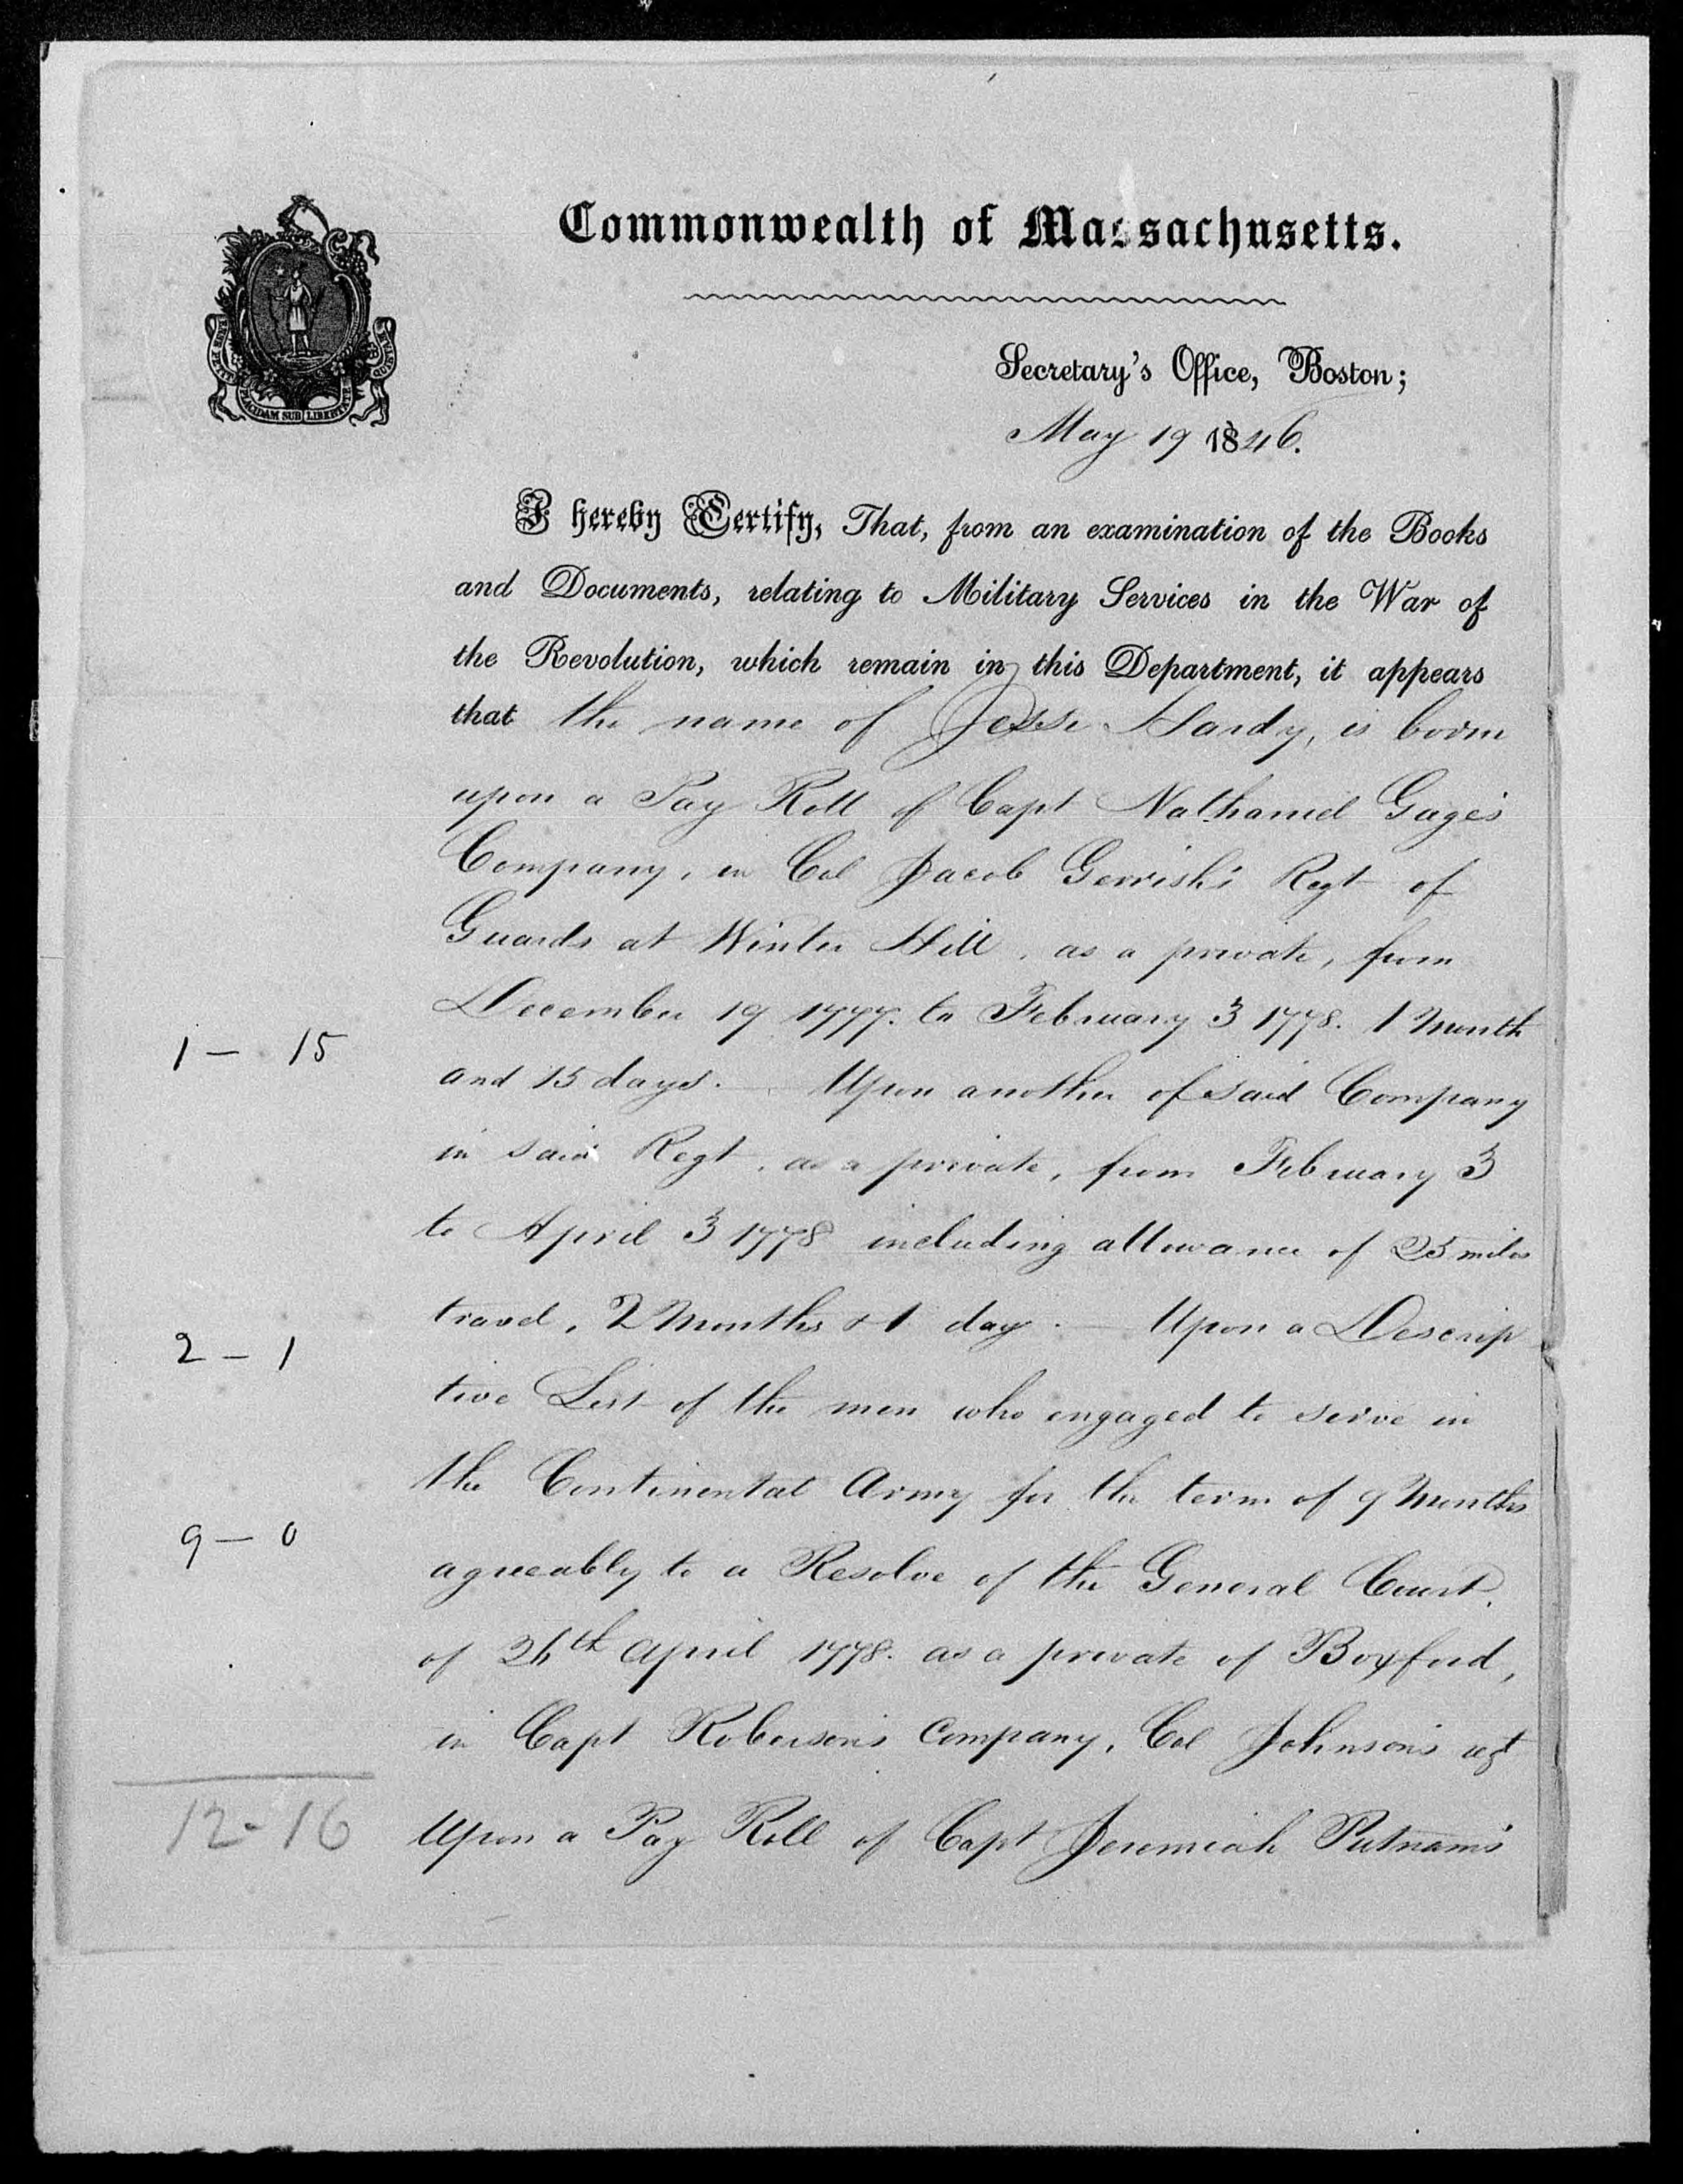Commonwealth of Massachusetts. Secretary's Office, Boston; May 19 1846. I hereby Certify, That, from an examination of the Books and Documents, relating to Military Services in the War of the Revolution, which remain in this Department, it appears that the name of Jesse Hardy, is born upon a Pay Roll of Capt Nathaniel Gage's Company, in Col Jacob Gerrish Regt of Guards at Winter Hill, as a private, from December 19 1777. to February 1778. 1 month and 15 days. Upon another of said Company in said Regt as a private, from February 3 to April 3 1778 including allowance of 25 miles travel, 2 months & 1 day. Upon a Descriptive List of the men who engaged to serve in the Continental Army for the term of 9 months agreeably to a Resolve of the General Court of 26th April 1778 as a private of Boxford, in Capt Roberson's Company, Col Johnson's rest Upon a Pay Roll of Capt Jeremiah Putnams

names: Jesse Hardy, Jeremiah Putnam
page: 43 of 67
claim: widow's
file: W. 23183, Jesse Hardy, Mass.